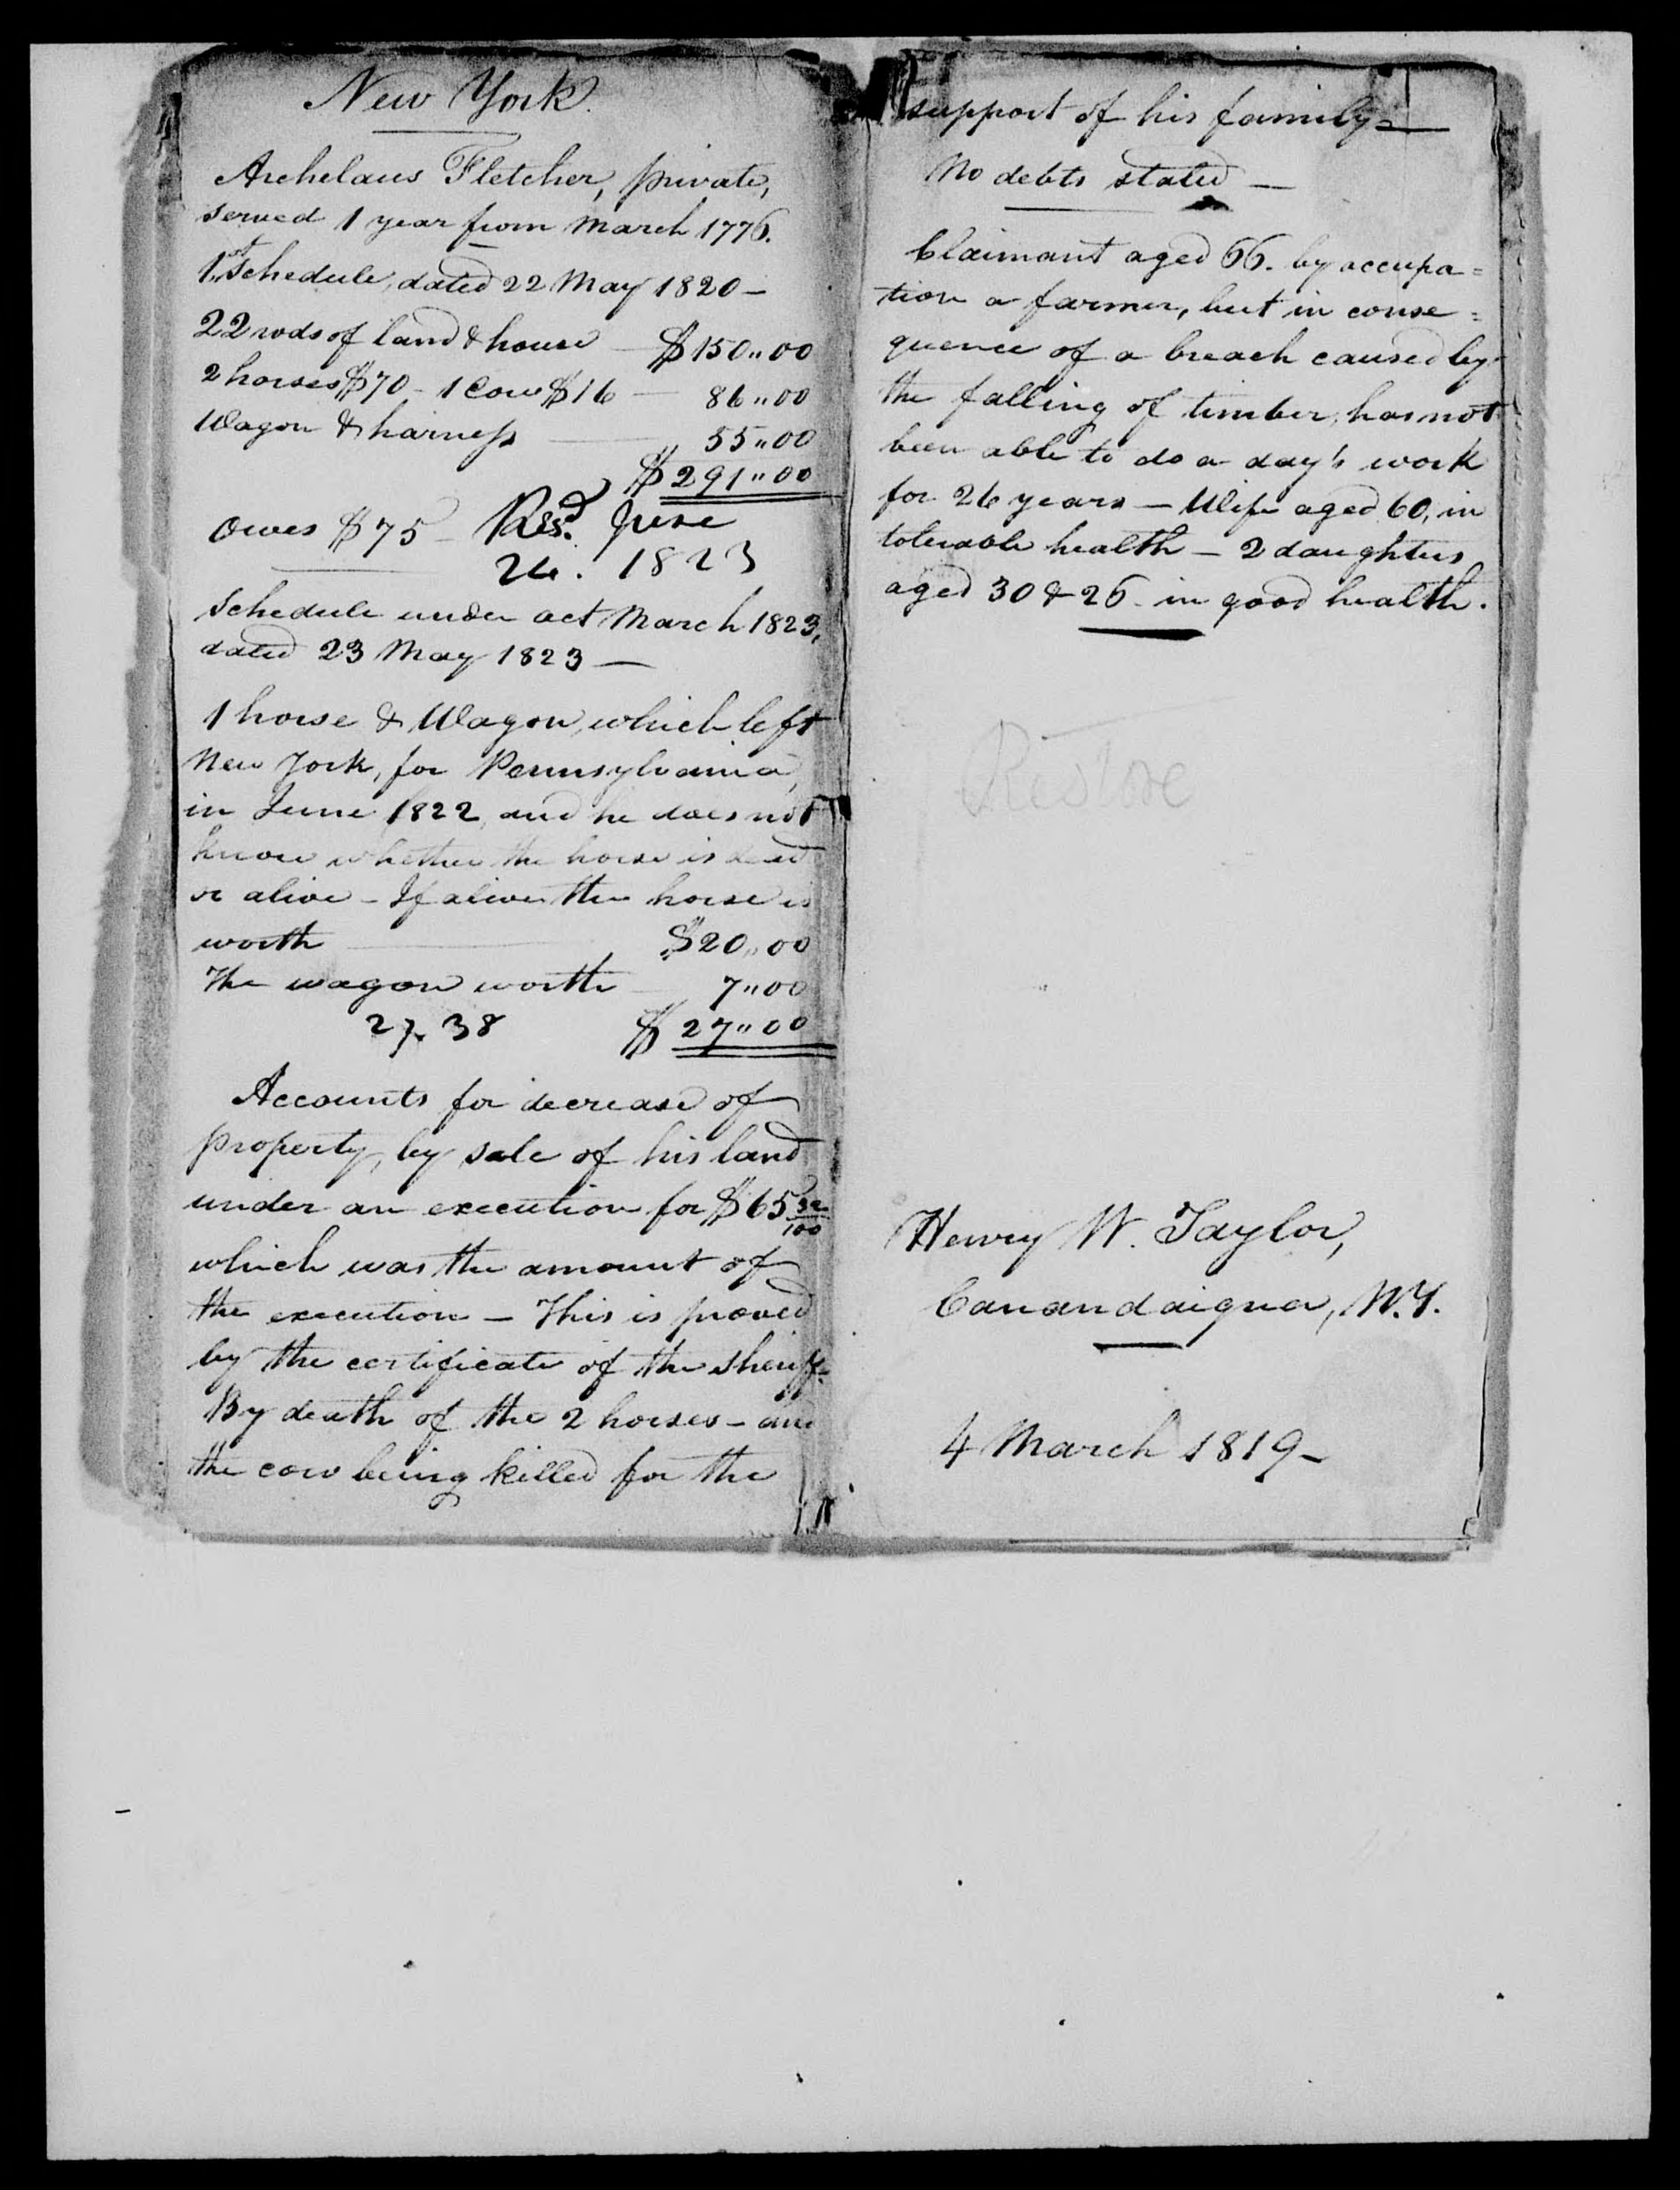New York
Archelaus Fletcher, Private, served 1 year from March 1776. 1st schedule, dated 22 May 1820 -
22 rods of land & house - $150..00
2 horses $70 1 cow $16 - $86..00
Wagon & harness - 55.00
                               $291.00
Owes $75 - (illegible) June 26 1823

Schedule under act March 1823 dated 23 May 1823
I horse and wagon which left New Work, for Pennsylvania in June 1822 and he does not know whether the horse is dead of alive if alive the horse is worth $20. 
The wagon worth $7

Accounts for decrease of property by sale of his land under an exeuction for $65.32 which was the amount of the execution - This is proved by the certificate of the sheriff. 
By death of the 2 horses and cow being killed for the support of his family
No debts stated
Claimant aged 66 by occupation a farmer, but in consequence of a breach caused by the falling of timber, has not been able to do a days work for 26 years - Wife aged 60, in tolerable health 2 daughters aged 30 & 26 in good health.

Henry W Taylor
Canadaigua, NY
4 March 1819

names: Archelaus Fletcher, Henry W Taylor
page: 12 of 18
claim: survivor's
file: S. 44822, Archelaus Fletcher, Mass.